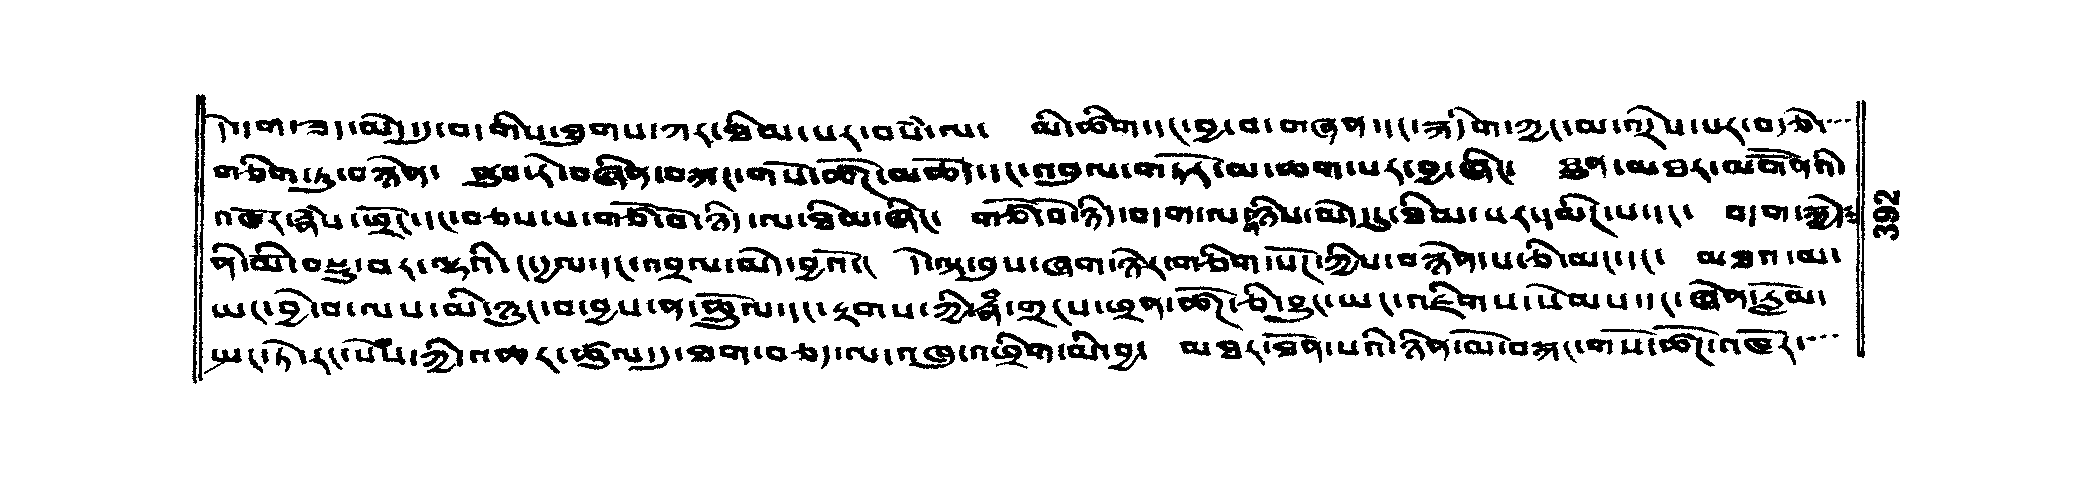དེ་དག་ཟད་མེད་དུ་བདག་གིས་ཐུགས་ཀར་ཐིམ་པར་བསམ་ལ། མི་ཚིག་དང་བྱ་བ་གཞན་དང་སྐད་ཅིག་ཀྱང་མ་འདྲེས་པར་བརྩེ་
གཅིག་ཏུ་བསྙེན། ནུབ་རེ་བཞིན་བསྐང་གསོ་ཚོགས་མཆོད་དང་འབུལ་གཏོར་མ་ཆག་པར་བྱ་ཞིང་། ཐུན་མཐར་མགོན་པོའི་
འཁོར་རྣམས་ཕོ་བྲང་དང་བཅས་པ་གཙོ་བོ་ཉིད་ལ་ཐིམ་ཞིང་། གཙོ་བོ་ཉིད་བདག་ལ་གཉིས་མེད་དུ་ཐིམ་པར་དམིགས་པ་དང་། བདག་བསྐྱེད་
ནི་མི་བསྡུ་བར་ལྷའི་ང་རྒྱལ་དང་འབྲལ་མེད་བྱའོ། དེ་ལྟ་བུས་ཞག་ཉེར་གཅིག་སོགས་ཀྱིས་བསྙེན་པ་ཅི་མང་དང་། མཐའ་མ་
ཡང་བྱེ་བ་ལས་མི་ཉུང་བ་བྱས་ན་ཆོ་འཕྲུལ་དང་རྟགས་ཀྱི་རྣམ་གྲངས་ཕྲན་ཚོགས་ཅི་བྱུང་ཡང་འཇིགས་སེམས་དང་ཞེན་རློམ་
སྤངས་ཏེ་རང་སེམས་ཀྱི་འཆར་ཚུལ་དུ་ཐག་བཅད་ལ་འཁུ་འཕྲིག་མི་བྱ། མཐར་ཐོན་པའི་ཉིན་མོ་བསྐང་གསོ་ཚོགས་འཁོར་